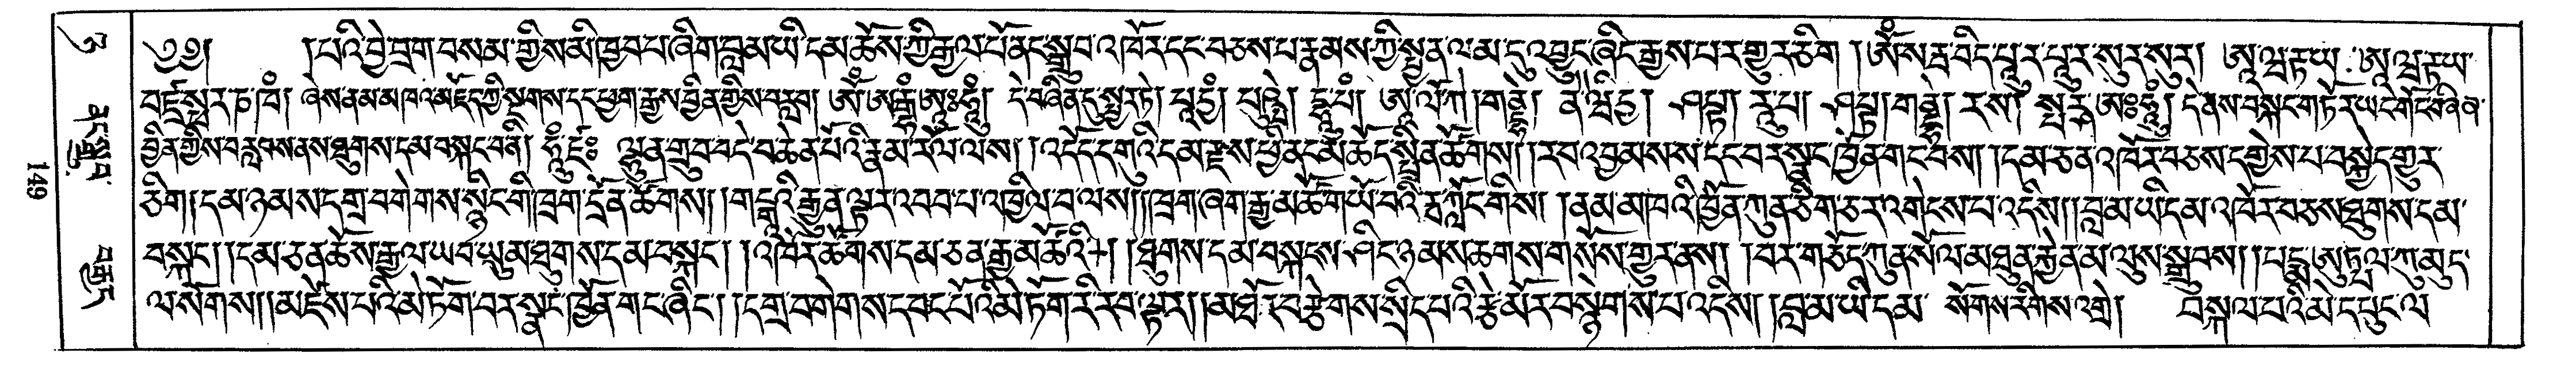༄༅། །པའི་བྱེ་བྲག་བསམ་གྱིས་མི་ཁྱབ་པ་ཞིག་བླ་མ་ཡི་དམ་ཆོས་ཀྱི་རྒྱལ་པོ་ནང་སྒྲུབ་འཁོར་དང་བཅས་པ་རྣམས་ཀྱི་སྤྱན་ལམ་དུ་འབྱུང་ཞིང་རྒྱས་པར་གྱུར་ཅིག། ཨོཾ་སརྦ་བིད་པཱུ་ར་པཱུ་ར། སུ་ར་སུ་ར། ཨཱ་ཝ་རྟ་ཡ། ཨཱ་ཝ་རྟ་ཡ།
བཛྲ་སྥ་ར་ཎ་ཁཾ། ཞེས་ནམ་མཁའ་མཛོད་ཀྱི་སྔགས་དང་ཕྱག་རྒྱས་བྱིན་གྱིས་བརླབ། ཨོཾ་ཨརྒྷཾ་ཨཱཿཧཱུཾ། དེ་བཞིན་དུ་སྦྱར་ཏེ། པཱ་དྱཾ། པུཥྤེ། དྷཱུ་པཾ། ཨཱ་ལོ་ཀེ། གནྡྷེ། ནཻ་ཝི་དྱ། ཤཔྟ། རཱུ་པ། ཤཔྟ། གནྡྷེ། ར་ས། སྦྲྴ་ཨཱཿཧཱུཾ། དེ་ནས་བསྐང་གཏོར་ཡང་གོང་བཞིན་
བྱིན་གྱིས་བརླབས་ནས་ཐུགས་དམ་བསྐང་བ་ནི། ཧཱུཾ་ཛཿ ལྷུན་གྲུབ་བདེ་བ་ཆེན་པོའི་རྣམ་རོལ་ལས། །འདོད་དགུའི་དམ་རྫས་ཕྱི་ནང་མཆོད་སྤྲིན་ཚོགས། །རབ་འབྱམས་ས་དང་བར་སྣང་ཁྱོན་གང་བས། དམ་ཅན་འཁོར་བཅས་དགྱེས་པ་བསྐྱེད་གྱུར་
ཅིག༑ དམ་ཉམས་དགྲ་བགེགས་སྙིང་གི་ཁྲག་དྲོན་ཚོགས། །གངྒའི་རྒྱུན་ལྟར་འབབ་པ་འཁྱིལ་བ་ལས། །ཁྲག་ཞག་རྒྱ་མཚོ་གཡོ་བའི་རྦ་ཀློང་གིས། །ནམ་མཁའི་ཁྱོན་ཀུན་ཅིག་ཅར་འགེངས་པ་འདིས། །བླ་མ་ཡི་དམ་འཁོར་བཅས་ཐུགས་དམ་
བསྐང་། །དམ་ཅན་ཆོས་རྒྱལ་ཡབ་ཡུམ་ཐུགས་དམ་བསྐང་། །འཁོར་ཚོགས་དམ་ཅན་རྒྱ་མཚོའི། །ཐུགས་དམ་བསྐངས་ཤིང་ཉམས་ཆགས་གསོས་གྱུར་ནས། །བར་གཅོད་ཀུན་སོལ་མཐུན་རྐྱེན་མ་ལུས་སྒྲུབས། །པདམ་ཨུཏྤལ་ཀུ་མུ་ད་
ལ་སོགས། །མཛེས་པའི་མེ་ཏོག་བར་སྣང་ཁྱོན་གང་ཞིང་། །དགྲ་བགེགས་དབང་པོའི་མེ་ཏོག་རི་རབ་ལྟར། །མཐོར་བརྩེགས་སྲིད་པའི་རྩེ་མོར་བསྙེགས་པ་འདིས། །བླ་མ་ཡི་དམ་སོགས་རིགས་འགྲེ། བསྐལ་པའི་མེ་དཔུང་ལ་